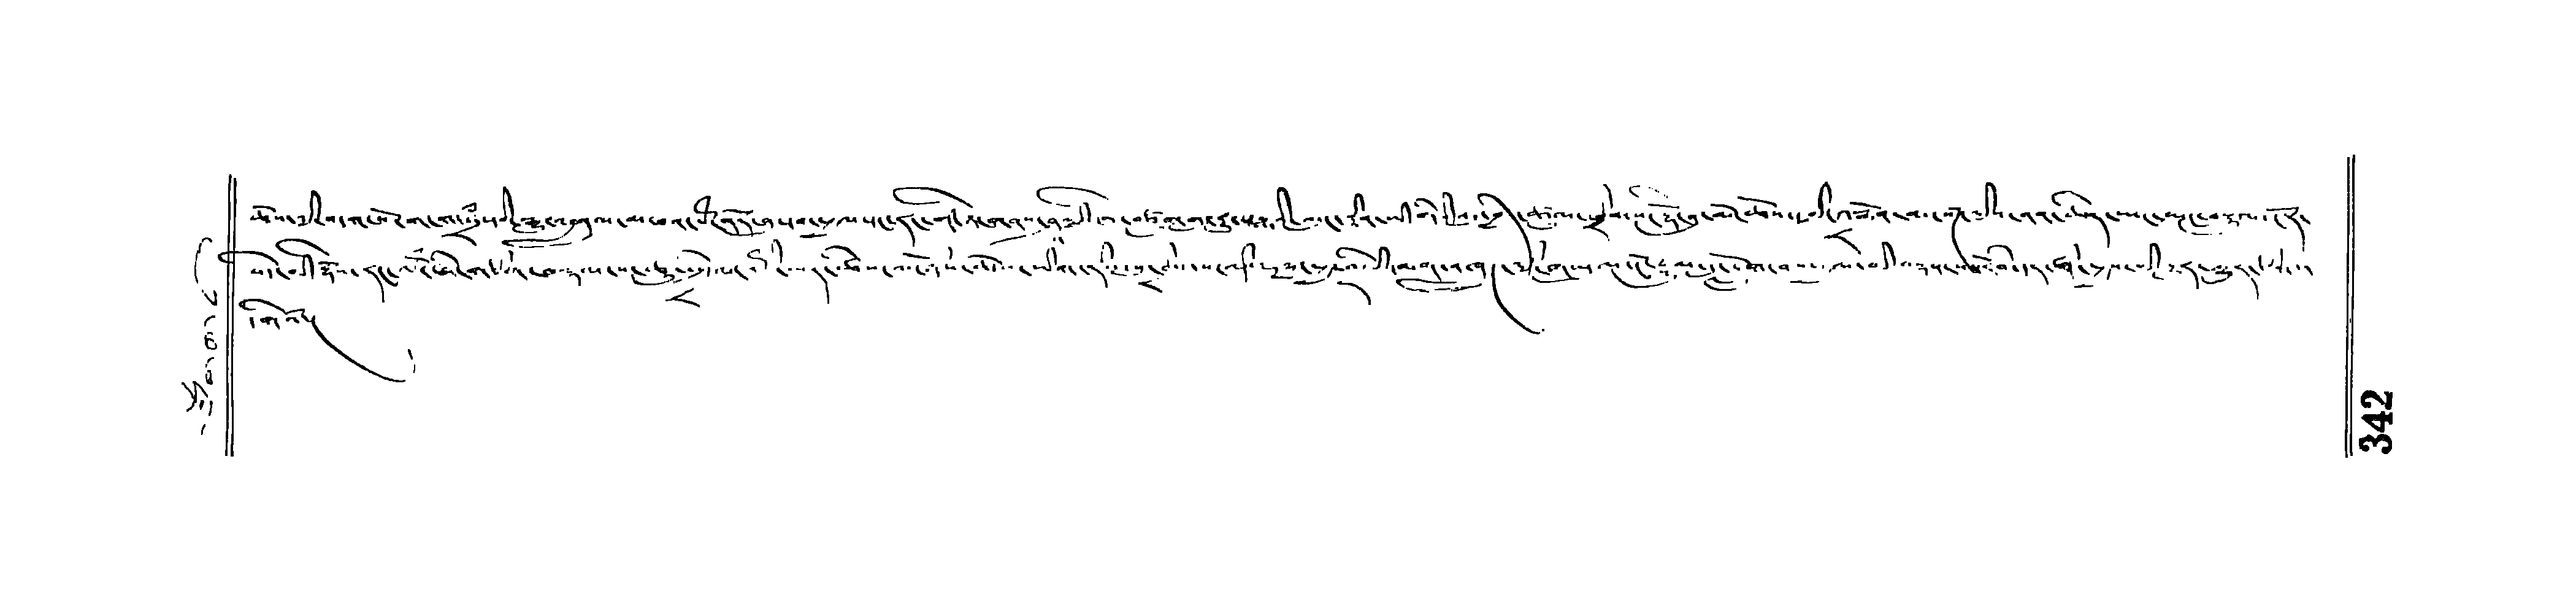ཆོས་ཀྱི་བདག་པོ་ག་ག་ཧྲི་དའི་སྒྱུ་འཕྲུལ་མཁན་པོ་ནོར་བུ་དབང་རྒྱལ་དང་རང་གི་ཉེ་གནས་ཤཱཀྱའི་དགེ་བཙུན་གུ་རུ་པདྨའི་ལུང་ཟིན་ཡི་གེའི་འདུ་བྱེད་ཚུལ་ཁྲིམས་རྡོ་རྗེ། བུ་མོ་ཆོས་དབྱིངས་སྒྲོན་མ་སོགས་ཀྱིས་ནན་ཆེར་ཡང་ཡང་བསྐུལ་ངོར་
བདེ་བའི་རྡོ་རྗེས་རང་ལོ་ཞེ་གཅིག་བསྐལ་པ་ཆུ་སྤྲེལ་ལོའི་ཡར་ཚེས་ལ་ཉམས་ཆོས་ཡིག་རིས་སུ་བྲིས་པ་འདིས་ཀྱང་རྒྱ་འདྲེའི་དམག་འཁྲུགས་ཀྱི་གཡུལ་ངོ་རྡུལ་དུ་བརླགས་ནས་རྒྱལ་བའི་བསྟན་པ་རིན་ཆེན་དར་ཞིང་རྒྱས་བའི་རྒྱུར་གྱུར་ཅིག།
 དགེའོ།།